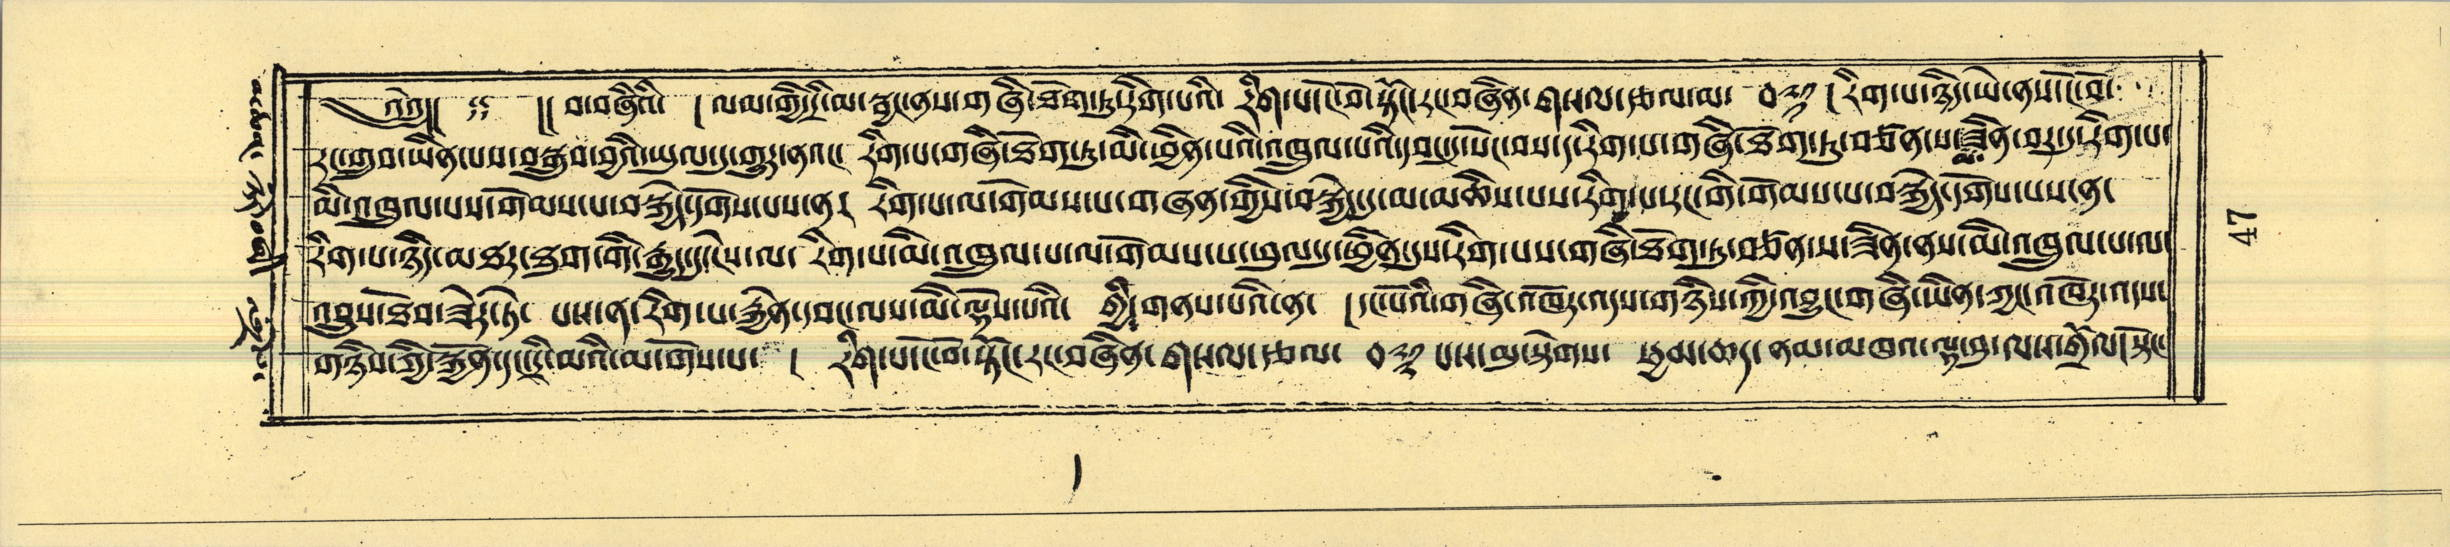བ་བཞིའི་ལམ་གྱི་དྲི་མ་སྦྱངས་ནས་གཞི་ཐོག་ཏུ་རིག་པའི་༼རིག་པ་༽ངོ་བོ་སྟོང་རང་བཞིན་༼གསལ་༽རྩལ་ལ། བ༢༡། རིག་པ་ཉིད་ཡེ་ནས་ངོ་བོ་
རང་གྲུབ་ཡིན་པས་བསྒྲུབ་བྱའི་ཡུལ་དུ་གྱུར་ནའང་། རིག་པ་གཞི་ཐོག་ཏུ་མི་ཕྱིན་པའི་འཁྲུལ་པའི་དབང་དུ་སོང་བས་ད་རིག་པ་གཞི་ཐོག་ཏུ་བཙན་ས་མ་ཟིན་བར་དུ་རིག་པ་
མི་འཁྲུལ་པས་གོམས་པ་བསྐྱེད་དགོས་པས་ན། རིག་པ་གོམས་པ་གཞན་གྱིས་བསྐྱེད་དུ་མ་མཆིས་པས་རིག་པ་རང་གིས་གོམས་པ་བསྐྱེད་དགོས་པས་ན། 
རིག་པ་ཉིད་མཐར་ཐུག་གི་རྒྱུད་དུ་ངེས་ལ། རིག་པ་མི་འཁྲུལ་པ་ལ་གོམས་པ་ཕུལ་དུ་ཕྱིན་དུས་རིག་པས་གཞི་ཐོག་ཏུ་བཙན་ས་ཟིན་ནས་མི་འཁྲུལ་པ་ལ་
འབྲས་བུ་ཐོབ་ཟེར་ཏེ་༼པས་ན༽རིག་པ་རྐྱེན་དབང་ལ་མི་ལྟོས་པའི་ ༼གྱི༽གནས་པས་ན་དང་པོའི་གཞི་འཁོར་འདས་གཉིས་ཀྱི་འབྱུང་གཞི་ཡིན་ཀྱང་འཁོར་འདས་
གཉིས་ཀྱི་སྐྱོན་དང་དྲི་མའི་མ་གོས་པ། རིག་པ་ངོ་བོ་༼སྟོང༽རང་བཞིན་༼གསལ༽བརྩལ། བ༢༡།༢ ༼པས༽མུ་སྟེགས་ ༼ཕྱམ་ཆད༽ནམ་མཁའ་ལྟ་བུ་༼ལས་གྲོལ༽སྟོང་